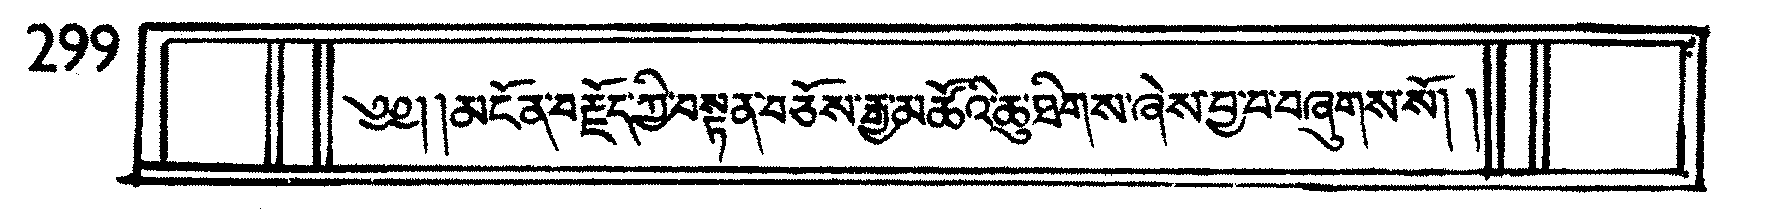༄༅། །མངོན་བརྗོད་ཀྱི་བསྟན་བཅོས་རྒྱ་མཚོའི་ཆུ་ཐིགས་ཞེས་བྱ་བ་བཞུགས་སོ། །